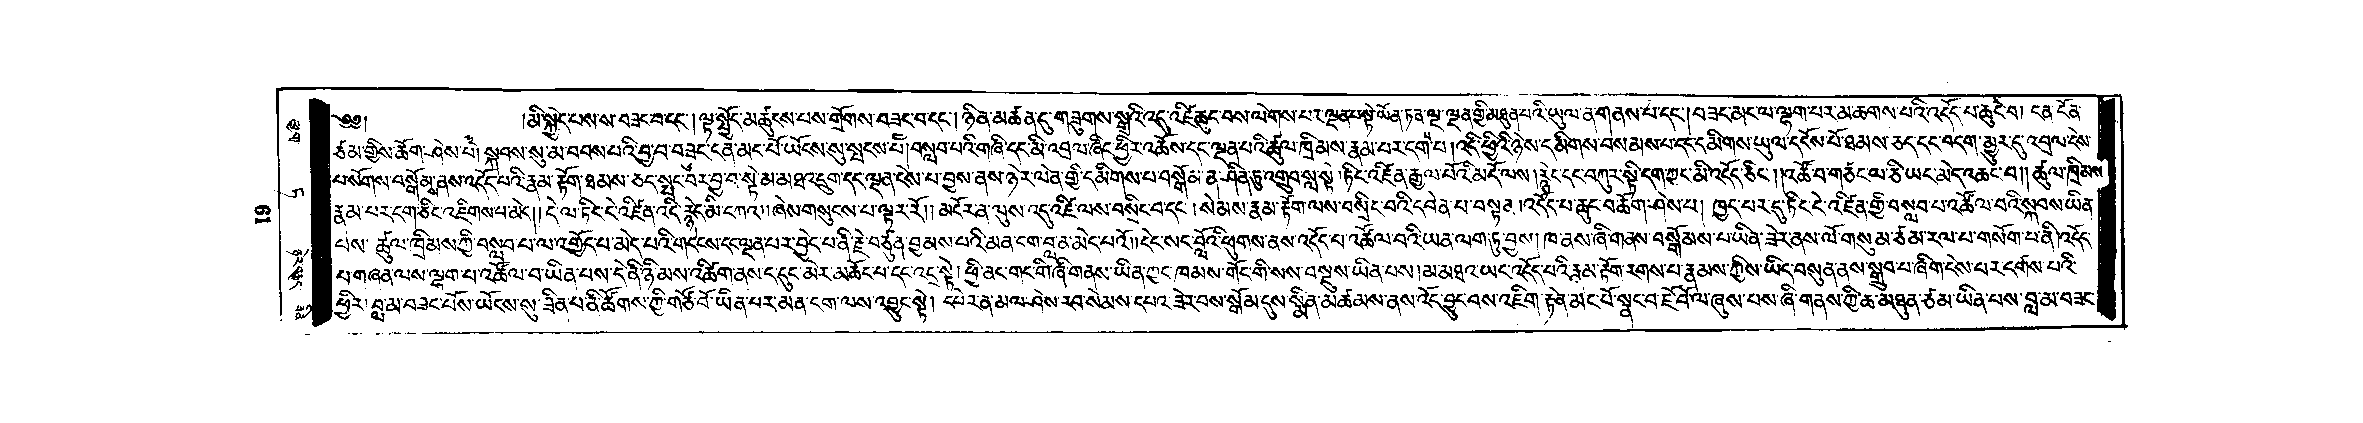༄༅། །མི་སྐྱེད་པས་ས་བཟང་བ་དང་། ལྟ་སྤྱོད་མཚུངས་པས་གྲོགས་བཟང་བ་དང་། ཉིན་མཚན་དུ་གཟུགས་སྒྲའི་འདུ་འཛི་ཆུང་བས་ལེགས་པར་ལྡན་པ་སྟེ་ཡོན་ཏན་ལྔ་ལྡན་གྱི་མཐུན་པའི་ཡུལ་ན་གནས་པ་དང་། བཟང་མང་ལ་ལྷག་པར་མ་ཆགས་པའི་འདོད་པ་ཆུང་ངེ་བ། ངན་དོན་
ཙམ་གྱིས་ཆོག་ཤེས་པ། སྐབས་སུ་མ་བབས་པའི་བྱ་བ་བཟང་ངན་མང་པོ་ཡོངས་སུ་སྤངས་པ། བསླབ་པའི་གཞི་དང་མི་འབྲལ་ཞིང་ཕྱིར་འཆོས་དང་ལྡན་པའི་ཚུལ་ཁྲིམས་རྣམ་པར་དག་པ། འདི་ཕྱིའི་ཉེས་དམིགས་བསམས་པ་དང་དམིགས་ཡུལ་དངོས་པོ་ཐམས་ཅད་དང་བདག་མྱུར་དུ་འབྲལ་ངེས་
པ་སོགས་བསྒོམས་ནས་འདོད་པའི་རྣམ་རྟོག་ཐམས་ཅད་སྤང་བར་བྱ་བ་སྟེ་མ་མཐའ་དྲུག་དང་ལྡན་ངེས་པ་བྱས་ནས་ཉེར་ལེན་གྱི་དམིགས་པ་བསྒོམ་ན་ཤིན་ཏུ་འགྲུབ་སླ་སྟེ། ཏིང་འཛིན་རྒྱལ་པོའི་མདོ་ལས། རྙེད་དང་བཀུར་སྟི་དག་ཀྱང་མི་འདོད་ཅིང་། །འཚོ་བ་གཙང་ལ་ཅི་ཡང་མེད་འཆང་བ། །ཚུལ་ཁྲིམས་
རྣམ་པར་དག་ཅིང་འཇིགས་པ་མེད། །དེ་ལ་ཏིང་ངེ་འཛིན་འདི་རྙེད་མི་དཀའ། ཞེས་གསུངས་པ་ལྟར་རོ། །མདོར་ན་ལུས་འདུ་འཛི་ལས་བསྲིང་བ་དང་། སེམས་རྣམ་རྟོག་ལས་བསྲིང་བའི་དབེན་པ་བསྟན། འདོད་པ་ཆུང་བ་ཆོག་ཤེས་པ། ཁྱད་པར་དུ་ཏིང་ངེ་འཛིན་གྱི་བསླབ་པ་འཚོལ་བའི་སྐབས་ཡིན་
པས་ཚུལ་ཁྲིམས་ཀྱི་བསླབ་པ་ལ་འགྱོད་པ་མེད་པའི་གདེངས་དང་ལྡན་པར་བྱེད་པ་ནི་རྗེ་བཙུན་བྱམས་པའི་མན་ངག་བླ་ན་མེད་པའོ། །དེང་སང་བློའི་ཕུགས་ནས་འདོད་པ་འཚོལ་བའི་ཡན་ལག་ཏུ་བྱས། ཁ་ནས་ཞི་གནས་བསྒོམས་པ་ཡིན་ཟེར་ནས་ལོ་གསུམ་ཙམ་རལ་པ་གསོག་པ་ནི། འདོད་
པ་གཞན་ལས་ལྷག་པ་འཚོལ་བ་ཡིན་པས་དེ་ནི་ཉི་མས་འཚིག་ནས་ད་དུང་མེར་མཆོད་པ་དང་འདྲ་སྟེ། ཕྱི་ནང་གང་གི་ཞི་གནས་ཡིན་ཀྱང་ཁམས་གོང་གི་སས་བསྡུས་ཡིན་པས། མ་མཐའ་ཡང་འདོད་པའི་རྣམ་རྟོག་རགས་པ་རྣམས་ཀྱིས་ཡིད་བསུན་ནས་སྒྲུབ་པ་ཞིག་ངེས་པར་དགོས་པའི་
ཕྱིར། བླ་མ་བཟང་པོས་ཡོངས་སུ་ཟིན་པ་ནི་ཚོགས་ཀྱི་གཙོ་བོ་ཡིན་པར་མན་ངག་ལས་འབྱུང་སྟེ། དཔེར་ན་མལ་ཤེས་རབ་སེམས་དཔའ་ཟེར་བས་སྒོམ་དུས་སྨིན་མཚམས་ནས་འོང་བྱུང་བས་འཇིག་རྟེན་མང་པོ་སྣང་བ་ཇོ་བོ་ལ་ཞུས་པས་ཞི་གནས་ཀྱི་ཆ་མཐུན་ཙམ་ཡིན་པས་བླ་མ་བཟང་